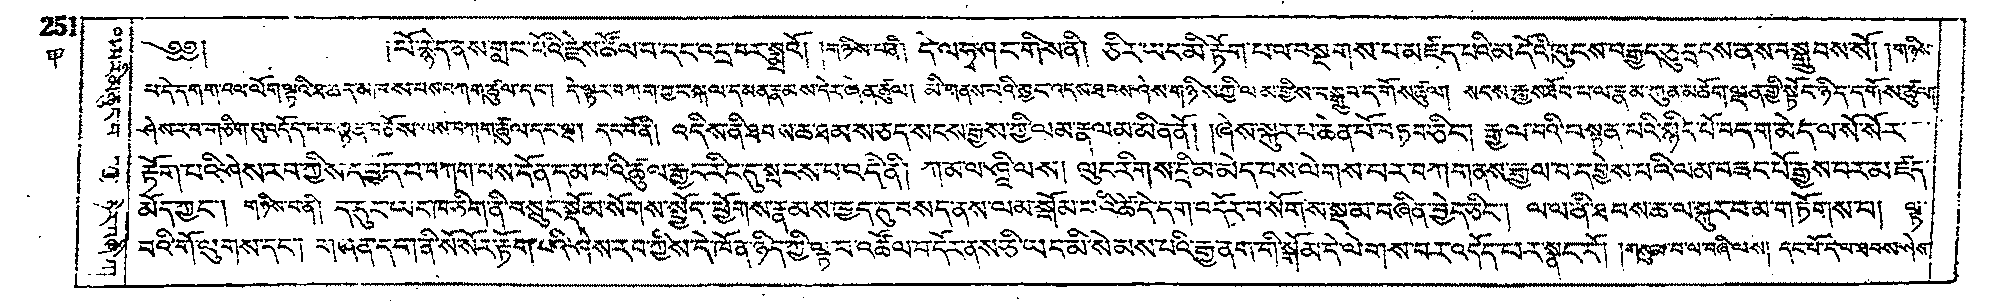༄༅། །པོ་རྙེད་ནས་གླང་པོའི་རྗེས་ཚོལ་བ་དང་འདྲ་བར་སྨྲའོ། །གཉིས་པ་ནི།  དེ་ལ་ཧྭ་ཤང་གིས་ནི། ཅིར་ཡང་མི་རྟོག་པ་ལ་བསྔགས་པ་མཛད་པའི་མདོའི་ཁུངས་བརྒྱད་ཅུ་དྲངས་ནས་བསྒྲུབས་སོ། །གཉིས་
པ་དེ་དགག་པ་ལ་ལོག་ལྟའི་ཐ་ཆད་མཁས་པས་བཀག་ཚུལ་དང་། དེ་ལྟར་བཀག་ཀྱང་སྐལ་དམན་རྣམས་དེར་ཞེན་ཚུལ། མི་གནས་པའི་མྱང་འདས་ཐབས་ཤེས་གཉིས་ཀྱི་ལམ་གྱིས་བསྒྲུབ་དགོས་ཚུལ། སངས་རྒྱས་ཐོབ་པ་ལ་རྣམ་ཀུན་མཆོག་ལྡན་གྱི་སྟོང་ཉིད་དགོས་ཚུལ།
ཤེས་རབ་གཅིག་པུ་འདོད་པ་བསྟན་བཅོས་ལས་བཀག་ཚུལ་དང་ལྔ། དང་པོ་ནི། འདིས་ནི་ཐབས་ཆ་ཐམས་ཅད་སངས་རྒྱས་ཀྱི་ལམ་རྣལ་མ་མིན་ནོ། །ཞེས་སྐུར་པ་ཆེན་པོ་བཏབ་ཅིང་། རྒྱལ་བའི་བསྟན་པའི་སྙིང་པོ་བདག་མེད་ལ་སོ་སོར་
རྟོག་པའི་ཤེས་རབ་ཀྱིས་དཔྱོད་པ་བཀག་པས་དོན་དམ་པའི་ཚུལ་རྒྱང་རིང་དུ་སྤངས་པ་འདི་ནི། ཀ་མ་ལ་ཤཱི་ལས། ལུང་རིགས་དྲི་མ་མེད་པས་ལེགས་པར་བཀག་ནས་རྒྱལ་བ་དགྱེས་པའི་ལམ་བཟང་པོ་རྒྱས་པར་མཛད་
མོད་ཀྱང་། གཉིས་པ་ནི།  ད་དུང་ཡང་ཁ་ཅིག་ནི་བསྲུང་སྡོམ་སོགས་སྤྱོད་ཕྱོགས་རྣམས་ཁྱད་དུ་བསད་ནས་ལམ་སྒོམ་པའི་ཚེ་དེ་དག་འདོར་བ་སོགས་སྔ་མ་བཞིན་བྱེད་ཅིང་། ལ་ལ་ནི་ཐབས་ཆ་ལ་སྐུར་བ་མ་གཏོགས་པ། ལྟ་
བའི་གོ་ལུགས་དང་། གཞན་དག་ནི་སོ་སོར་རྟོག་པའི་ཤེས་རབ་ཀྱིས་དེ་ཁོ་ན་ཉིད་ཀྱི་ལྟ་བ་འཚོལ་བ་དོར་ནས་ཅི་ཡང་མི་སེམས་པའི་རྒྱ་ནག་གི་སྒོམ་དེ་ལེགས་པར་འདོད་པར་སྣང་ངོ། །གསུམ་པ་ལ་བཞི་ལས། དང་པོ་དེ་ལ་ཐབས་ཤེས་